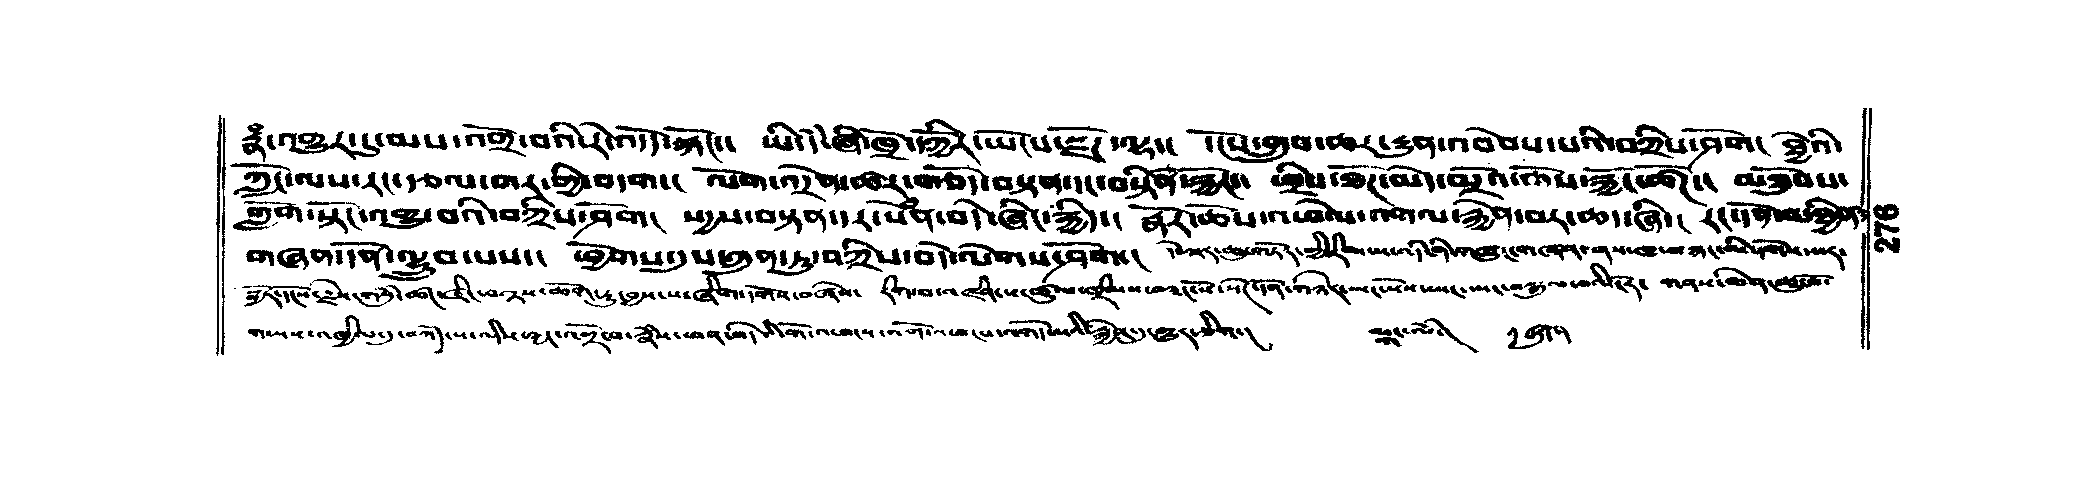རྣམ་འགྱུར་དུ་མས་འགྲོ་བའི་རེ་འདོད་སྐོང་། །ཡི་དམ་ཞི་ཁྲོ་དཀྱིལ་འཁོར་ཡོངས་རྫོགས་ལྷ། །དངོས་གྲུབ་ཆར་རྒྱུན་འབེབས་པའི་བཀྲ་ཤིས་ཤོག་ཐུགས་རྗེའི་
ཀློང་ལས་རང་རྩལ་གར་གྱི་བདག་།ལོག་འདྲེན་ཚར་གཅོད་བསྟན་དང་བསྟན་འཛིན་སྐྱོང་། །ཕྲིན་ལས་ཐོགས་མེད་མཁའ་འགྲོ་ཆོས་སྐྱོང་ཚོགས། །མཐུ་སྟོབས
་གློག་སྟོང་འགྱུ་བའི་བཀྲ་ཤིས་ཤོག་སངས་རྒྱས་བསྟན་དར་སེམས་ཅན་བདེ་ཞིང་སྐྱིད། །རྣལ་འབྱོར་ཆོས་འཕེལ་འགལ་རྐྱེན་བར་ཆད་ཞི། །རང་དོན་མཐར་ཕྱིན་
གཞན་དོན་ལྷུན་གྲུབ་པས། །ཕྱོགས་དུས་ཀུན་ཏུ་བཀྲ་ཤིས་བདེ་ལེགས་ཤོག་དེ་ལྟར་ཆུ་གཏོར་གྱི་རིམ་པ་འདི་ནི་གཞུང་གཞན་ནས་ཁ་བསྐང་མི་དགོས་པར་
སྦྱོར་དངོས་རྗེས་གསུམ་ཚང་ཞིང་བལྟས་ཆོག་ཏུ་བྱས་པ་ཞིག་དགོས་ཞེས། རིག་པ་འཛིན་པ་ཚུལ་ཁྲིམས་བཟངཔོ་སོགས་དོན་གཉེར་ཡང་པོས་ཡང་ཡང་བསྐུལ་བའི་ངོར། གནས་ཆེན་ཆུ་བོ་
གཡས་འཁྱིལ་དུ་བཀོད་པ་འདིསཀྱང་འགྲོ་བ་རྣམས་ཕན་བདེའི་གོ་འཕང་བཀོད་པའི་རྐྱེན་དུ་གྱུར་ཅིག་མངྒ་ལཾ །